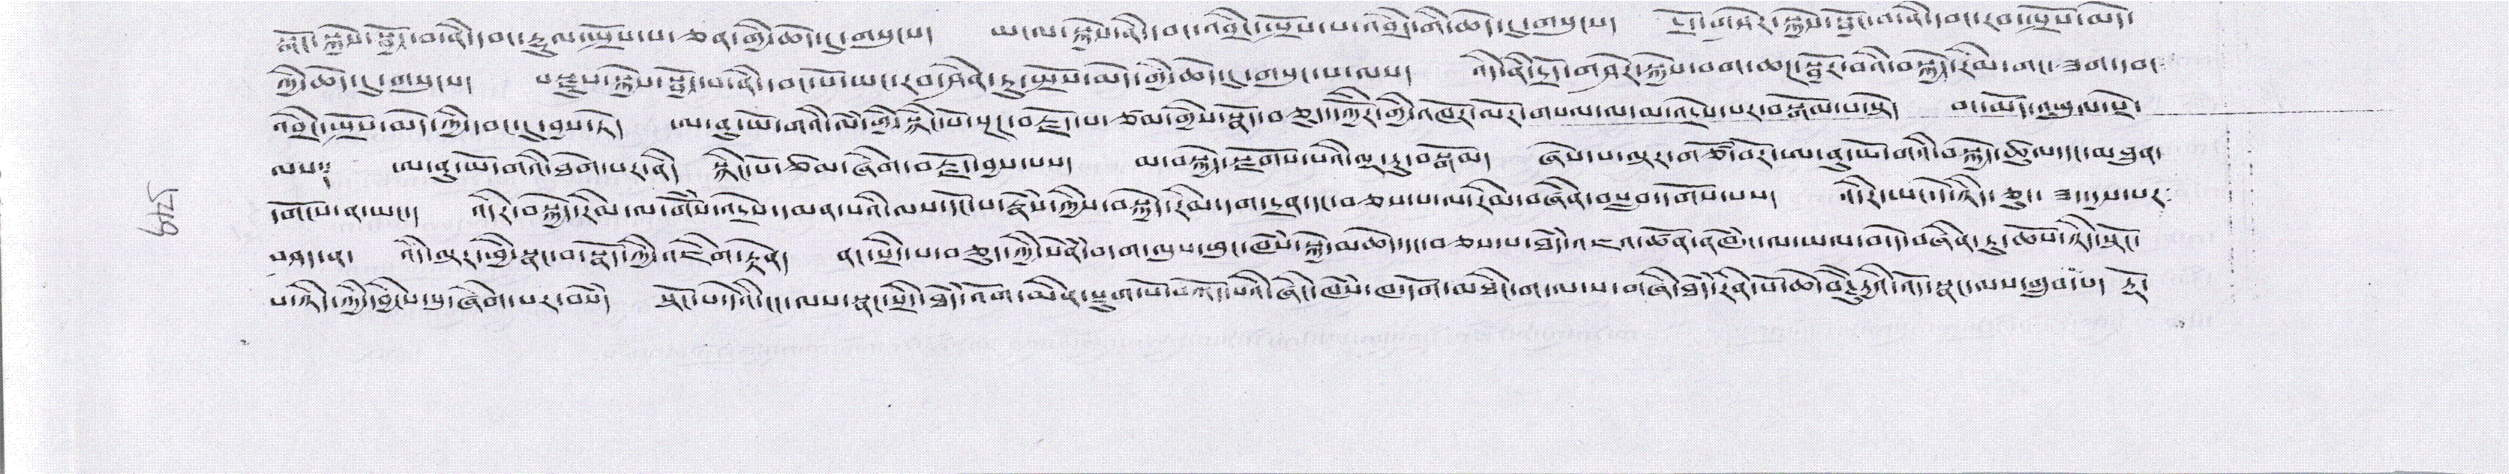སྒོང་སྐྱེས་སྦྱོང་བ་ནི་དབང་རྟུལ་སྤྲོས་པ་ཅན་གྱི་ཆེད་དུ་གསུངས། མངལ་སྐྱེས་ནི་དབང་འབྲིང་སྤྲོས་པ་འབྲིང་གི་ཆེད་དུ་གསུངས། དྲོད་གཤེར་སྐྱེས་སྦྱོང་བ་ནི་དབང་རབ་སྤྲོས་མེད་
ཀྱི་ཆེད་དུ་གསུངས། རྫུས་སྐྱེས་སྦྱོང་བ་ནི་དབང་པོ་ཡང་རབ་ཤིན་ཏུ་སྤྲོས་མེད་ཀྱི་ཆེད་དུ་གསུངས་པ་ལས། འདི་ནི་དྲོད་གཤེར་སྐྱེས་བག་ཆགས་སྦྱོང་བའི་བསྐྱེད་རིམ་གང་ཟག་དབང་
འབྲིང་སྤྲོས་མེད་ཀྱི་དབང་དུ་བྱས་ཏེ། ཨ་ནུ་ཡོ་གའི་ལམ་གྱི་སྙིང་པོ་སྔགས་བརྗོད་པ་ཙམ་གྱིས་སྣོད་བཅུད་དཀྱིལ་འཁོར་གྱི་འཁོར་ལོ་གསལ་ལ་མ་འདྲེས་པ་བསྒོམ་པ་སྟེ། བང་མཛོད་འཕྲུལ་ལྡེ་
ལས། ཨ་ནུ་ཡོ་གའི་ཐེག་པར་ནི། སྙིང་པོ་ཙམ་ཞིག་བརྗོད་བྱས་པས། མ་བསྐྱེད་རྫོགས་པའི་ལྷ་རུ་བསྒོམ། ཞེས་པ་ལྟར་གཙོ་བོར་ཨ་ནུ་ཡོ་གའི་བསྐྱེད་ཚུལ་དང་མཐུན་
དགོངས་ན་ཡང་། འདིར་བསྐྱེད་རིམ་ལ་གོམས་འདྲིས་དམན་པའི་ལས་དང་པོ་བ་རྣམས་ཀྱིས་བསྐྱེད་རིམ་དག་དྲན་དང་བཅས་པ་ལ་རིམ་བཞིན་བསླབ་དགོས་པས། འདིར་ཡང་དེ་ཉིད་ཅུང་ཟད་རྒྱས་པར་
བཤད་ན། འདི་ལྟར་ཕྱི་སྣང་བ་སྣོད་ཀྱི་འཇིག་རྟེན། ནང་སྲིད་པ་བཅུད་ཀྱི་སེམས་ཅན་བདག་ལུས་ཕུང་ཁམས་སྐྱེ་མཆེད་དང་བཅས་པ་ཐམས་ཅད་འཇའ་ཚོན་ནམ་མཁའ་ལ་ཡལ་བ་དེ་བཞིན་དུ་ཆོས་ཉིད་སྟོང་
པ་ཉིད་ཀྱི་དབྱིངས་སུ་ཞིག་པར་བསམ། སྟོང་པ་དེའི་ངང་ལས་སྣང་སྲིད་ཐམས་ཅད་འོག་མིན་སྟུག་པོ་བཀོད་པའི་ཞིང་ཁམས་ཁ་དོག་མཐིང་ག་ལ་ས་གཞི་ཐམས་ཅད་རིན་པོ་ཆེ་བཱཻཌྲུརྱའི་འོད་སྣང་ལས་གྲུབ་པ། རྡོ་